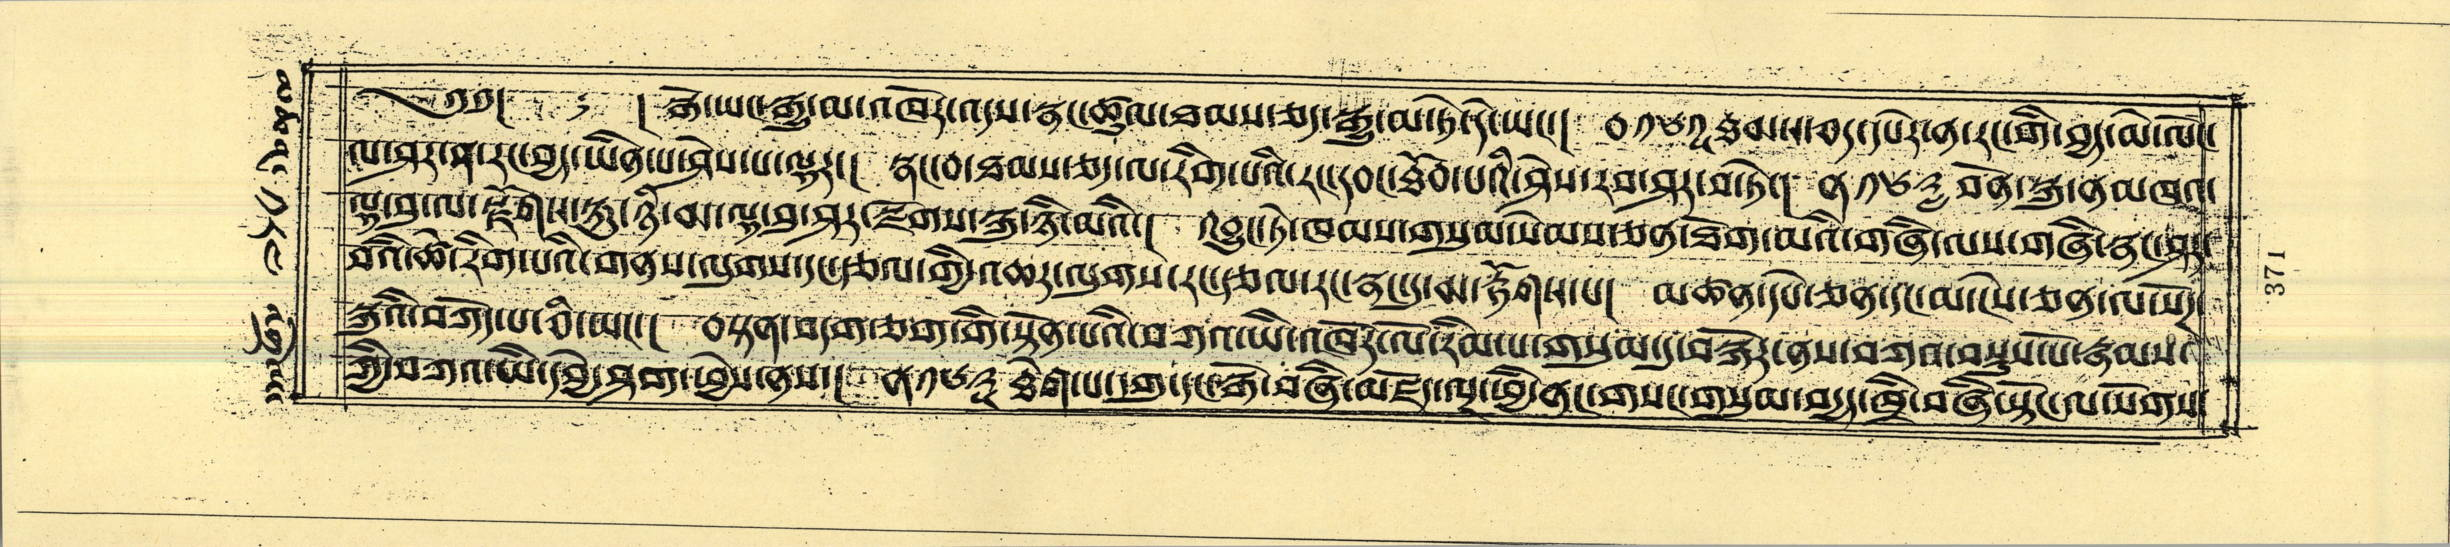སྒོ་ཡང་སྒྱུ་མ་འཁོར་འདས་སྣང་ཚུལ་ཐམས་ཅད་སྒྱུ་མ་ཏེ་དེ་ཡང། བ༡༦༡།༥ ཐམས་ཅད་དཔེར་ན་རང་གི་བྱད་མེ་ལོང་
ལ་ཤར་ན་རང་བྱད་ཡིན་པ་ཤེས་པ་ལྟར། སྣང་བ་ཐམས་ཅད་ལ་རིག་པའི་རང་དབང་ཐོབ་པའི་ཤེས་རབ་ཤར་བ་ཏེ། ན༡༦༢།༤ བོན་སྐུ་ནམ་མཁའ་
ལྟ་བུ་ལ་སྫོགས་སྐུ་ཉི་མ་ལྟ་བུ་ཤར་སྫོགས་སྐུ་ཉི་མའི། འབྱུང་ཏེ་ཁམས་གསུམ་སེམས་ཅན་ཐོག་མའི་གཞི་ལས་གཞི་སྣང་ཤར་
བའི་ཚེ་རིག་པའི་གནས་ལུགས་དང་རྩལ་གྱི་འཆར་ལུགས་རང་རྩལ་རང་སྣང་དུ་མ་རྟོགས་པ། མཚན་དཔེ་ཅན་དང་མ་ངེས་ཅན་ལ་སོགས་
སྐུའི་བཀོད་པ་ཅི་ཡང། བསྟན་བདག་ཅག་གི་སྟོན་པའི་བཀའ་ཡི་འཁོར་ལོ་རིམ་པ་གསུམ་དུ་བསྐོར་ནས་བཀའ་བསྡུས་པོ་རྣམས་
ཀྱི་བཀའ་ཡི་དབྱེ་ཤག་ཕྱེས་ནས། ན༡༦༢།༥ཐེག་པ་དགུ་དང་སྒོ་བཞི་མཛོད་ལྔ་ཕྱི་ནང་གསལ་གསུམ་བརྒྱད་ཁྲི་བཞི་སྟོང་ལ་སོགས་